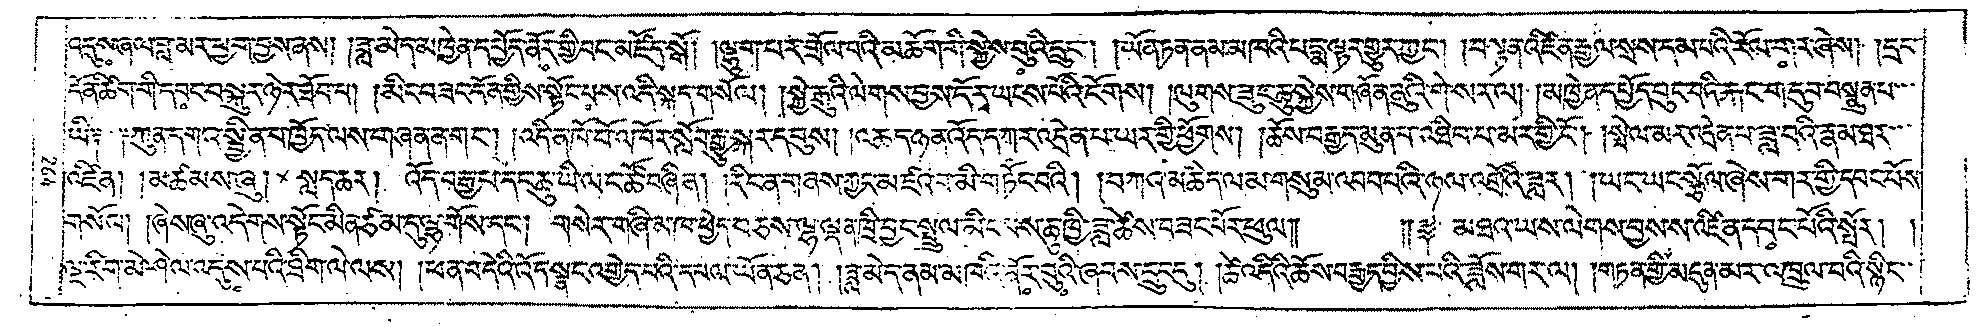འདུས྾་ཞལ་བླ་མར་ཕྱག་བྱས་ནས། །ཟླ་མེད་མཁྱེན་དཔྱོད་ནོར྾་གྱི་བང་མཛོད་སྒོ། །ལྷུག་པར་གྲོལ་བའི་མཆོག་གི་སྐྱེས་བུའི྾་དྲུང་། །ཡོན་ཏན་ནམ་མཁའི་པདམ་ལྟར་གྱུར་ཀྱང་། །བསྟན་འཛིན་རྒྱལ་སྲས་དམ་པའི་རོལ་གར྾་ཞེས། །དྲང་
དོན་ཚིག་གི་དབང྾་བསྐུར་ཉེར་ཐོབ་པ། །མིང་བཟང་དོན་གྱིས་སྟོང་པས྾་འདི་སྐད་གསོལ། །སྐྱེ་རྒུའི་ལེགས་བྱས་དོ་རྭ་ཡངས་པོའི་ངོགས། །ལུགས་ཟུང་ཆུ་སྐྱེས་གཞོན་ནུའི་གེ་སར་ལ། །མཁྱེན་དཔྱོད་བུང་བའི་རྐང་གདུབ་བསྣུན་པ་
ཡི༑ ༑ཀུན་དགའ་སྦྱིན་པ་ཁྱོད་ལས་གཞན་ན་གང་། །འདི་ན་ཁོ་བོ་འཁོར་སློབ་རྒྱུ་སྐར་དབུས། །འཆད་ཉན་འོད་དཀར་འདྲེན་པ་ཡར་གྱི་ཕྱོགས། །ཆོས་བརྒྱད་མུན་པ་འཐིབ་པ་མར་གྱི་ངོ། །སྤེལ་མར་འདྲེན་པ་ཟླ་བའི་རྣམ་ཐར་
འཛིན། །མཚམས་ཞུ། ྾་སླད་ཆར། འོད་བརྒྱ་པ་དང་ཆུ་ཡི་ལང་ཚོ་བཞིན། །རིང་ན་གནས་ཀྱང་མཛའ་བ་མི་གཏོང་བའི། །བཀའ་མཆིད་ལམ་གསུམ་འབབ་པའི་ཉལ་འགྲོའི་ཟླར། །ཡང་ཡང་སྩོལ་ཞེས་གར་གྱི་དབང་པོས་
གསོལ། །ཞེས་ཞུ་འདེགས་སྟོང་མིན་ཙམ་དུ་ལྷ་གོས་དང་། གསེར་གཞི་མ་ཁ་ཕྱེད་བཅས་ལྷ་ལྡན་ཁྲི་བྱང་སྤྲུལ་མིང་པས་ཆུ་ཁྱི་ཟླ་ཚེས་བཟང་པོར་ཕུལ།། །། ༈ མཐའ་ཡས་ལེགས་བྱས་ས་འཛིན་དབང྾་པོའི་སྤོར། །
ལྔ་རིག་མེ་ཤེལ་འདུས྾་པའི་ཐིག་ལེ་ལས། །ཕན་བདེའི་འོད་སྣང་འགྱེད་པའི་དཔལ་ཡོན་ཅན། །ཟླ་མེད་ནམ་མཁའི་ནོར྾་བུའི྾་ཞབས་དྲུང་དུ། །ཚེ་འདིའི་ཆོས་བརྒྱད་བྱིས་པའི་ཟློས་གར་ལ། །གཏན་གྱི་མདུན་མར་འཁྲུལ་བའི་སྙིང་